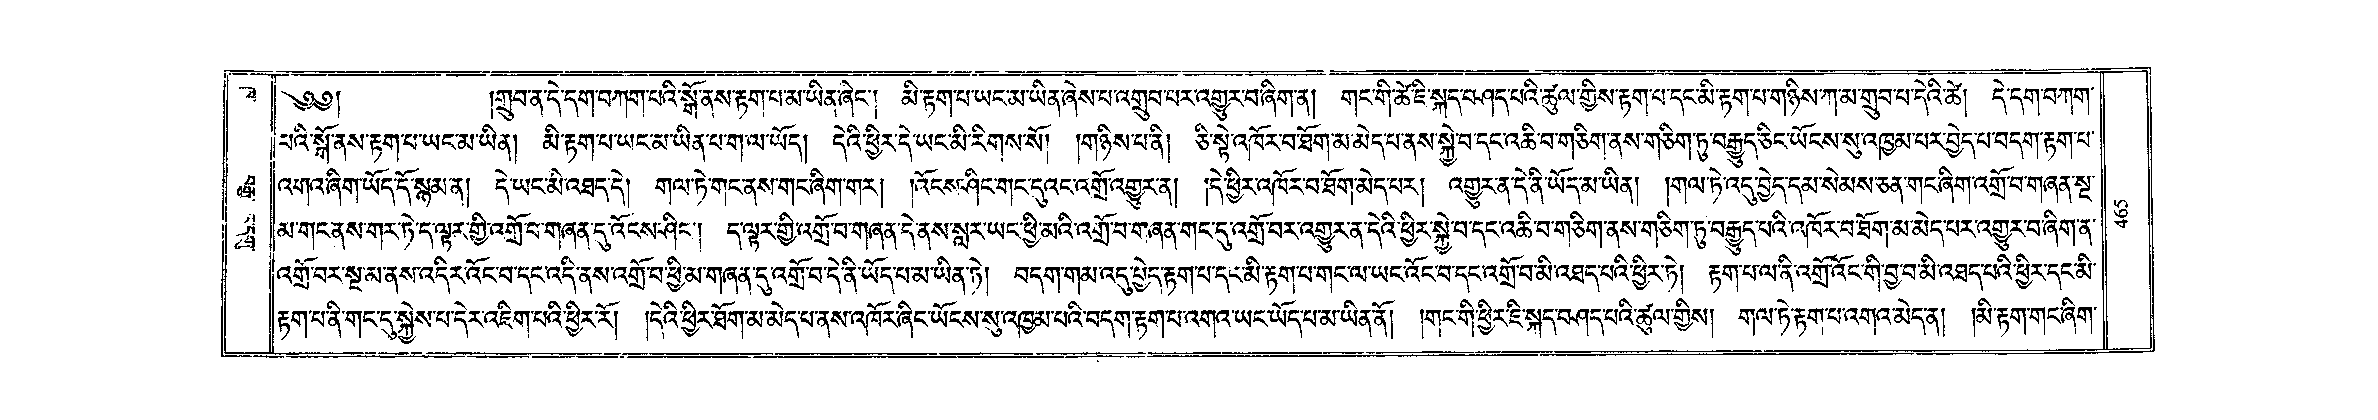༄༅། །གྲུབ་ན་དེ་དག་བཀག་པའི་སྒོ་ནས་རྟག་པ་མ་ཡིན་ཞིང་། མི་རྟག་པ་ཡང་མ་ཡིན་ཞེས་པ་འགྲུབ་པར་འགྱུར་བ་ཞིག་ན། གང་གི་ཚེ་ཇི་སྐད་བཤད་པའི་ཚུལ་གྱིས་རྟག་པ་དང་མི་རྟག་པ་གཉིས་ཀ་མ་གྲུབ་པ་དེའི་ཚེ། དེ་དག་བཀག་
པའི་སྒོ་ནས་རྟག་པ་ཡང་མ་ཡིན། མི་རྟག་པ་ཡང་མ་ཡིན་པ་ག་ལ་ཡོད། དེའི་ཕྱིར་དེ་ཡང་མི་རིགས་སོ། །གཉིས་པ་ནི། ཅི་སྟེ་འཁོར་བ་ཐོག་མ་མེད་པ་ནས་སྐྱེ་བ་དང་འཆི་བ་གཅིག་ནས་གཅིག་ཏུ་བརྒྱུད་ཅིང་ཡོངས་སུ་འཁྱམ་པར་བྱེད་པ་བདག་རྟག་པ་
འགའ་ཞིག་ཡོད་དོ་སྙམ་ན། དེ་ཡང་མི་འཐད་དེ། གལ་ཏེ་གང་ནས་གང་ཞིག་གར། །འོངས་ཤིང་གང་དུའང་འགྲོ་འགྱུར་ན། །དེ་ཕྱིར་འཁོར་བ་ཐོག་མེད་པར། འགྱུར་ན་དེ་ནི་ཡོད་མ་ཡིན། །གལ་ཏེ་འདུ་བྱེད་དམ་སེམས་ཅན་གང་ཞིག་འགྲོ་བ་གཞན་སྔ་
མ་གང་ནས་གར་ཏེ་ད་ལྟར་གྱི་འགྲོ་བ་གཞན་དུ་འོངས་ཤིང་། ད་ལྟར་གྱི་འགྲོ་བ་གཞན་དེ་ནས་སླར་ཡང་ཕྱི་མའི་འགྲོ་བ་གཞན་གང་དུ་འགྲོ་བར་འགྱུར་ན་དེའི་ཕྱིར་སྐྱེ་བ་དང་འཆི་བ་གཅིག་ནས་གཅིག་ཏུ་བརྒྱུད་པའི་འཁོར་བ་ཐོག་མ་མེད་པར་འགྱུར་བ་ཞིག་ན་
འགྲོ་བར་སྔ་མ་ནས་འདིར་འོང་བ་དང་འདི་ནས་འགྲོ་བ་ཕྱི་མ་གཞན་དུ་འགྲོ་བ་དེ་ནི་ཡོད་པ་མ་ཡིན་ཏེ། བདག་གམ་འདུ་བྱེད་རྟག་པ་དང་མི་རྟག་པ་གང་ལ་ཡང་འོང་བ་དང་འགྲོ་བ་མི་འཐད་པའི་ཕྱིར་ཏེ། རྟག་པ་ལ་ནི་འགྲོ་འོང་གི་བྱ་བ་མི་འཐད་པའི་ཕྱིར་དང་མི་
རྟག་པ་ནི་གང་དུ་སྐྱེས་པ་དེར་འཇིག་པའི་ཕྱིར་རོ། །དེའི་ཕྱིར་ཐོག་མ་མེད་པ་ནས་འཁོར་ཞིང་ཡོངས་སུ་འཁྱམ་པའི་བདག་རྟག་པ་འགའ་ཡང་ཡོད་པ་མ་ཡིན་ནོ། །གང་གི་ཕྱིར་ཇི་སྐད་བཤད་པའི་ཚུལ་གྱིས། གལ་ཏེ་རྟག་པ་འགའ་མེད་ན། །མི་རྟག་གང་ཞིག་